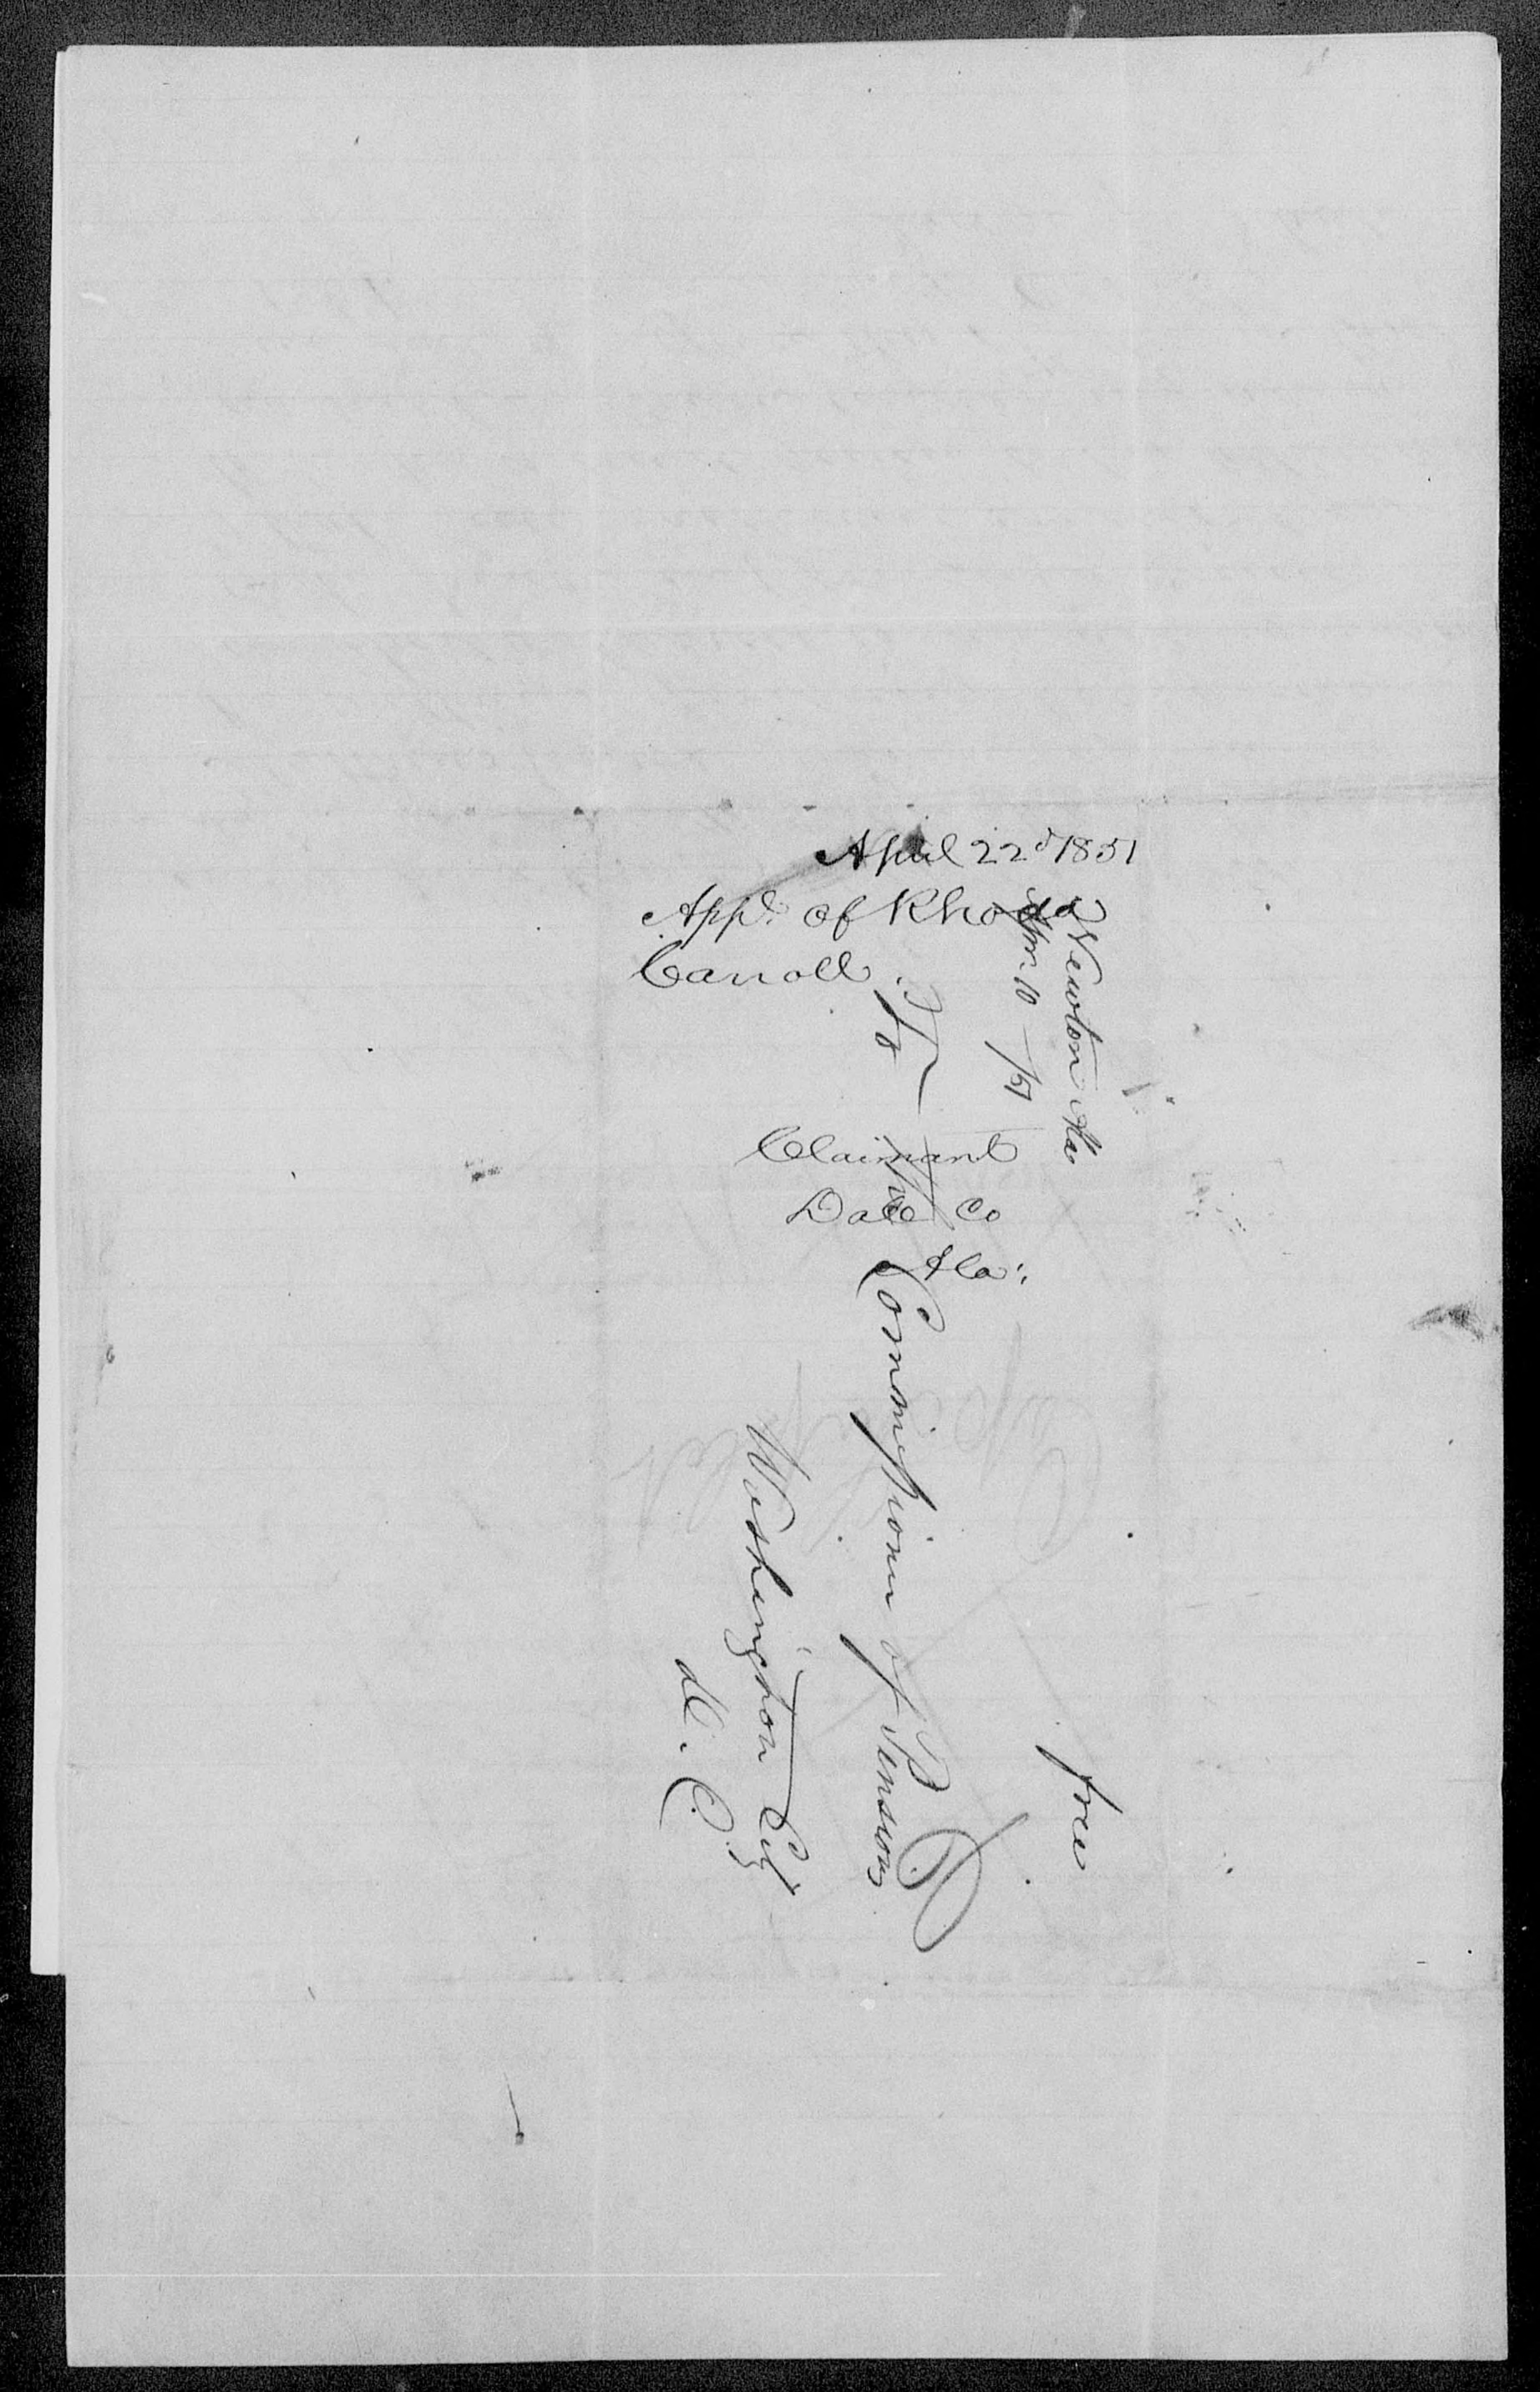April 22 1851
Appl of Rhoda
Carroll

Claimant 
Dale Co
Ala


Newton Ala
Apr 10/57

To the commissioner of Pensions
Washington City
D.C.   



Free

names: Rhoda Carroll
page: 45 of 86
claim: widow's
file: W. 6899, James Carrell, N.C.